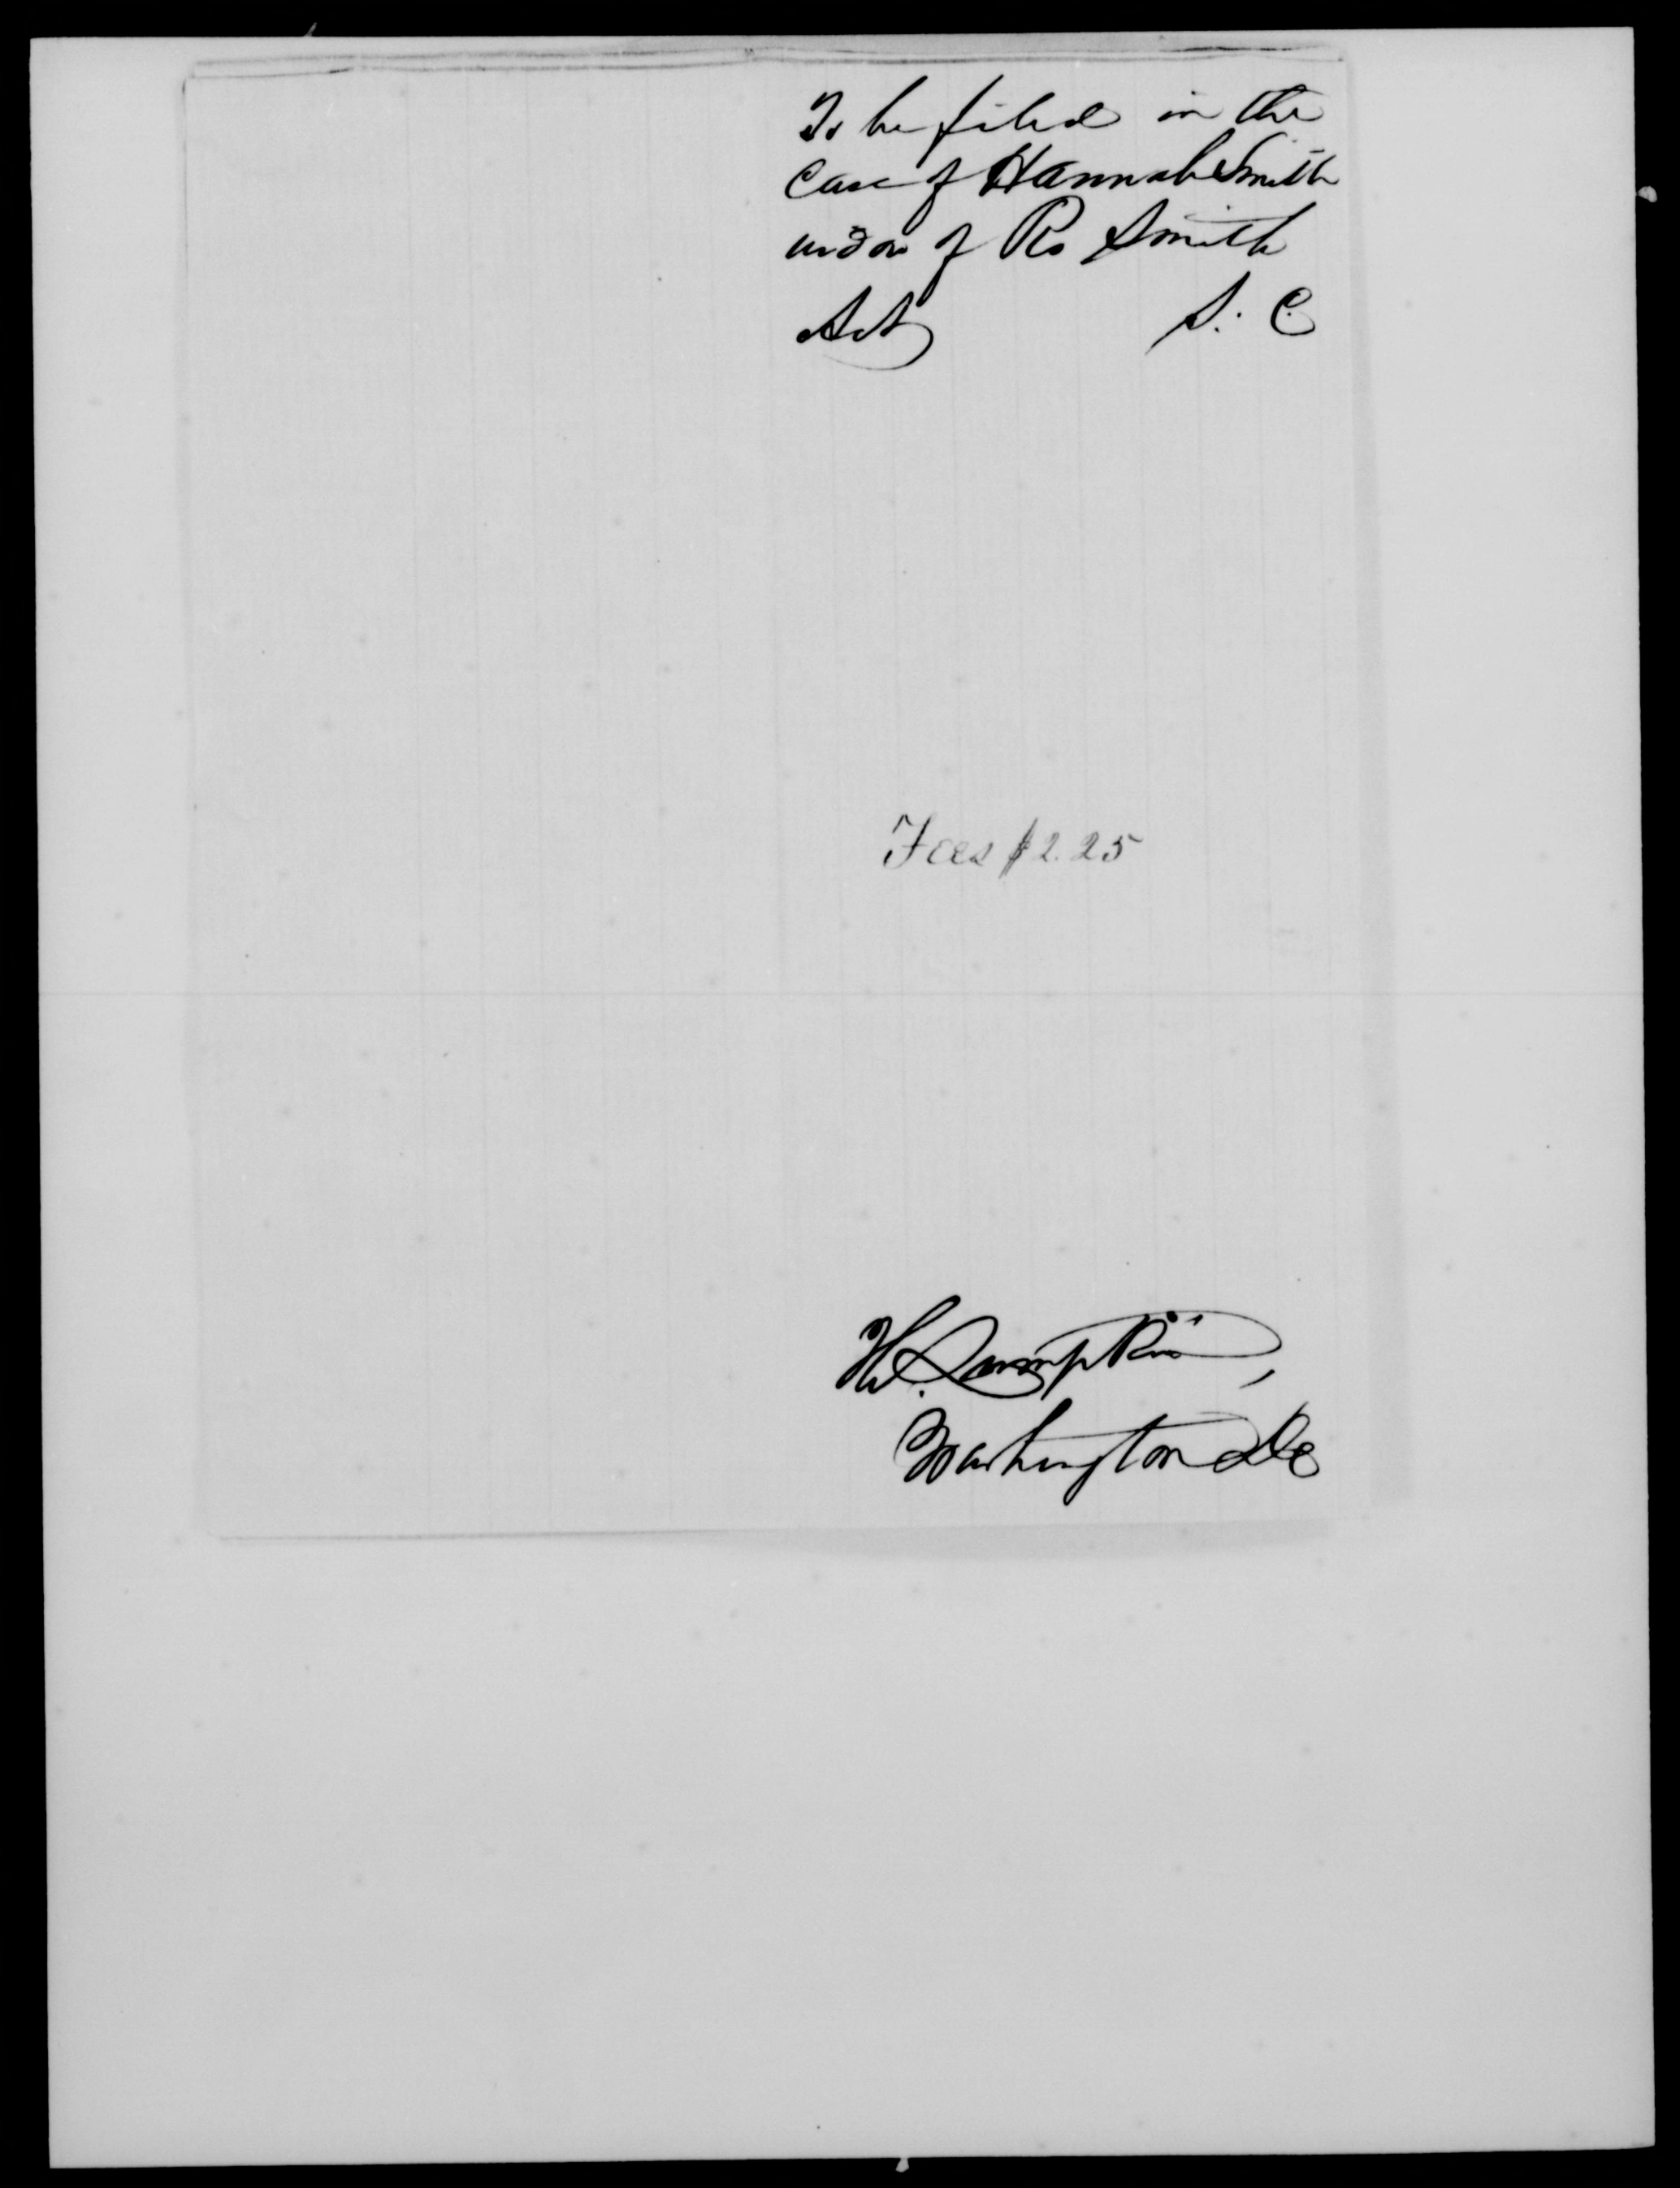To be filed in the case of Hannah Smith under Ro Smith, Sol

Fees $2.25

Th Lumpkin
Washington DC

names: Th Lumpkin; Ro Smith; Hannah Smith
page: 18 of 28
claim: rejected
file: R. 9744, for Robert Smith, South Carolina